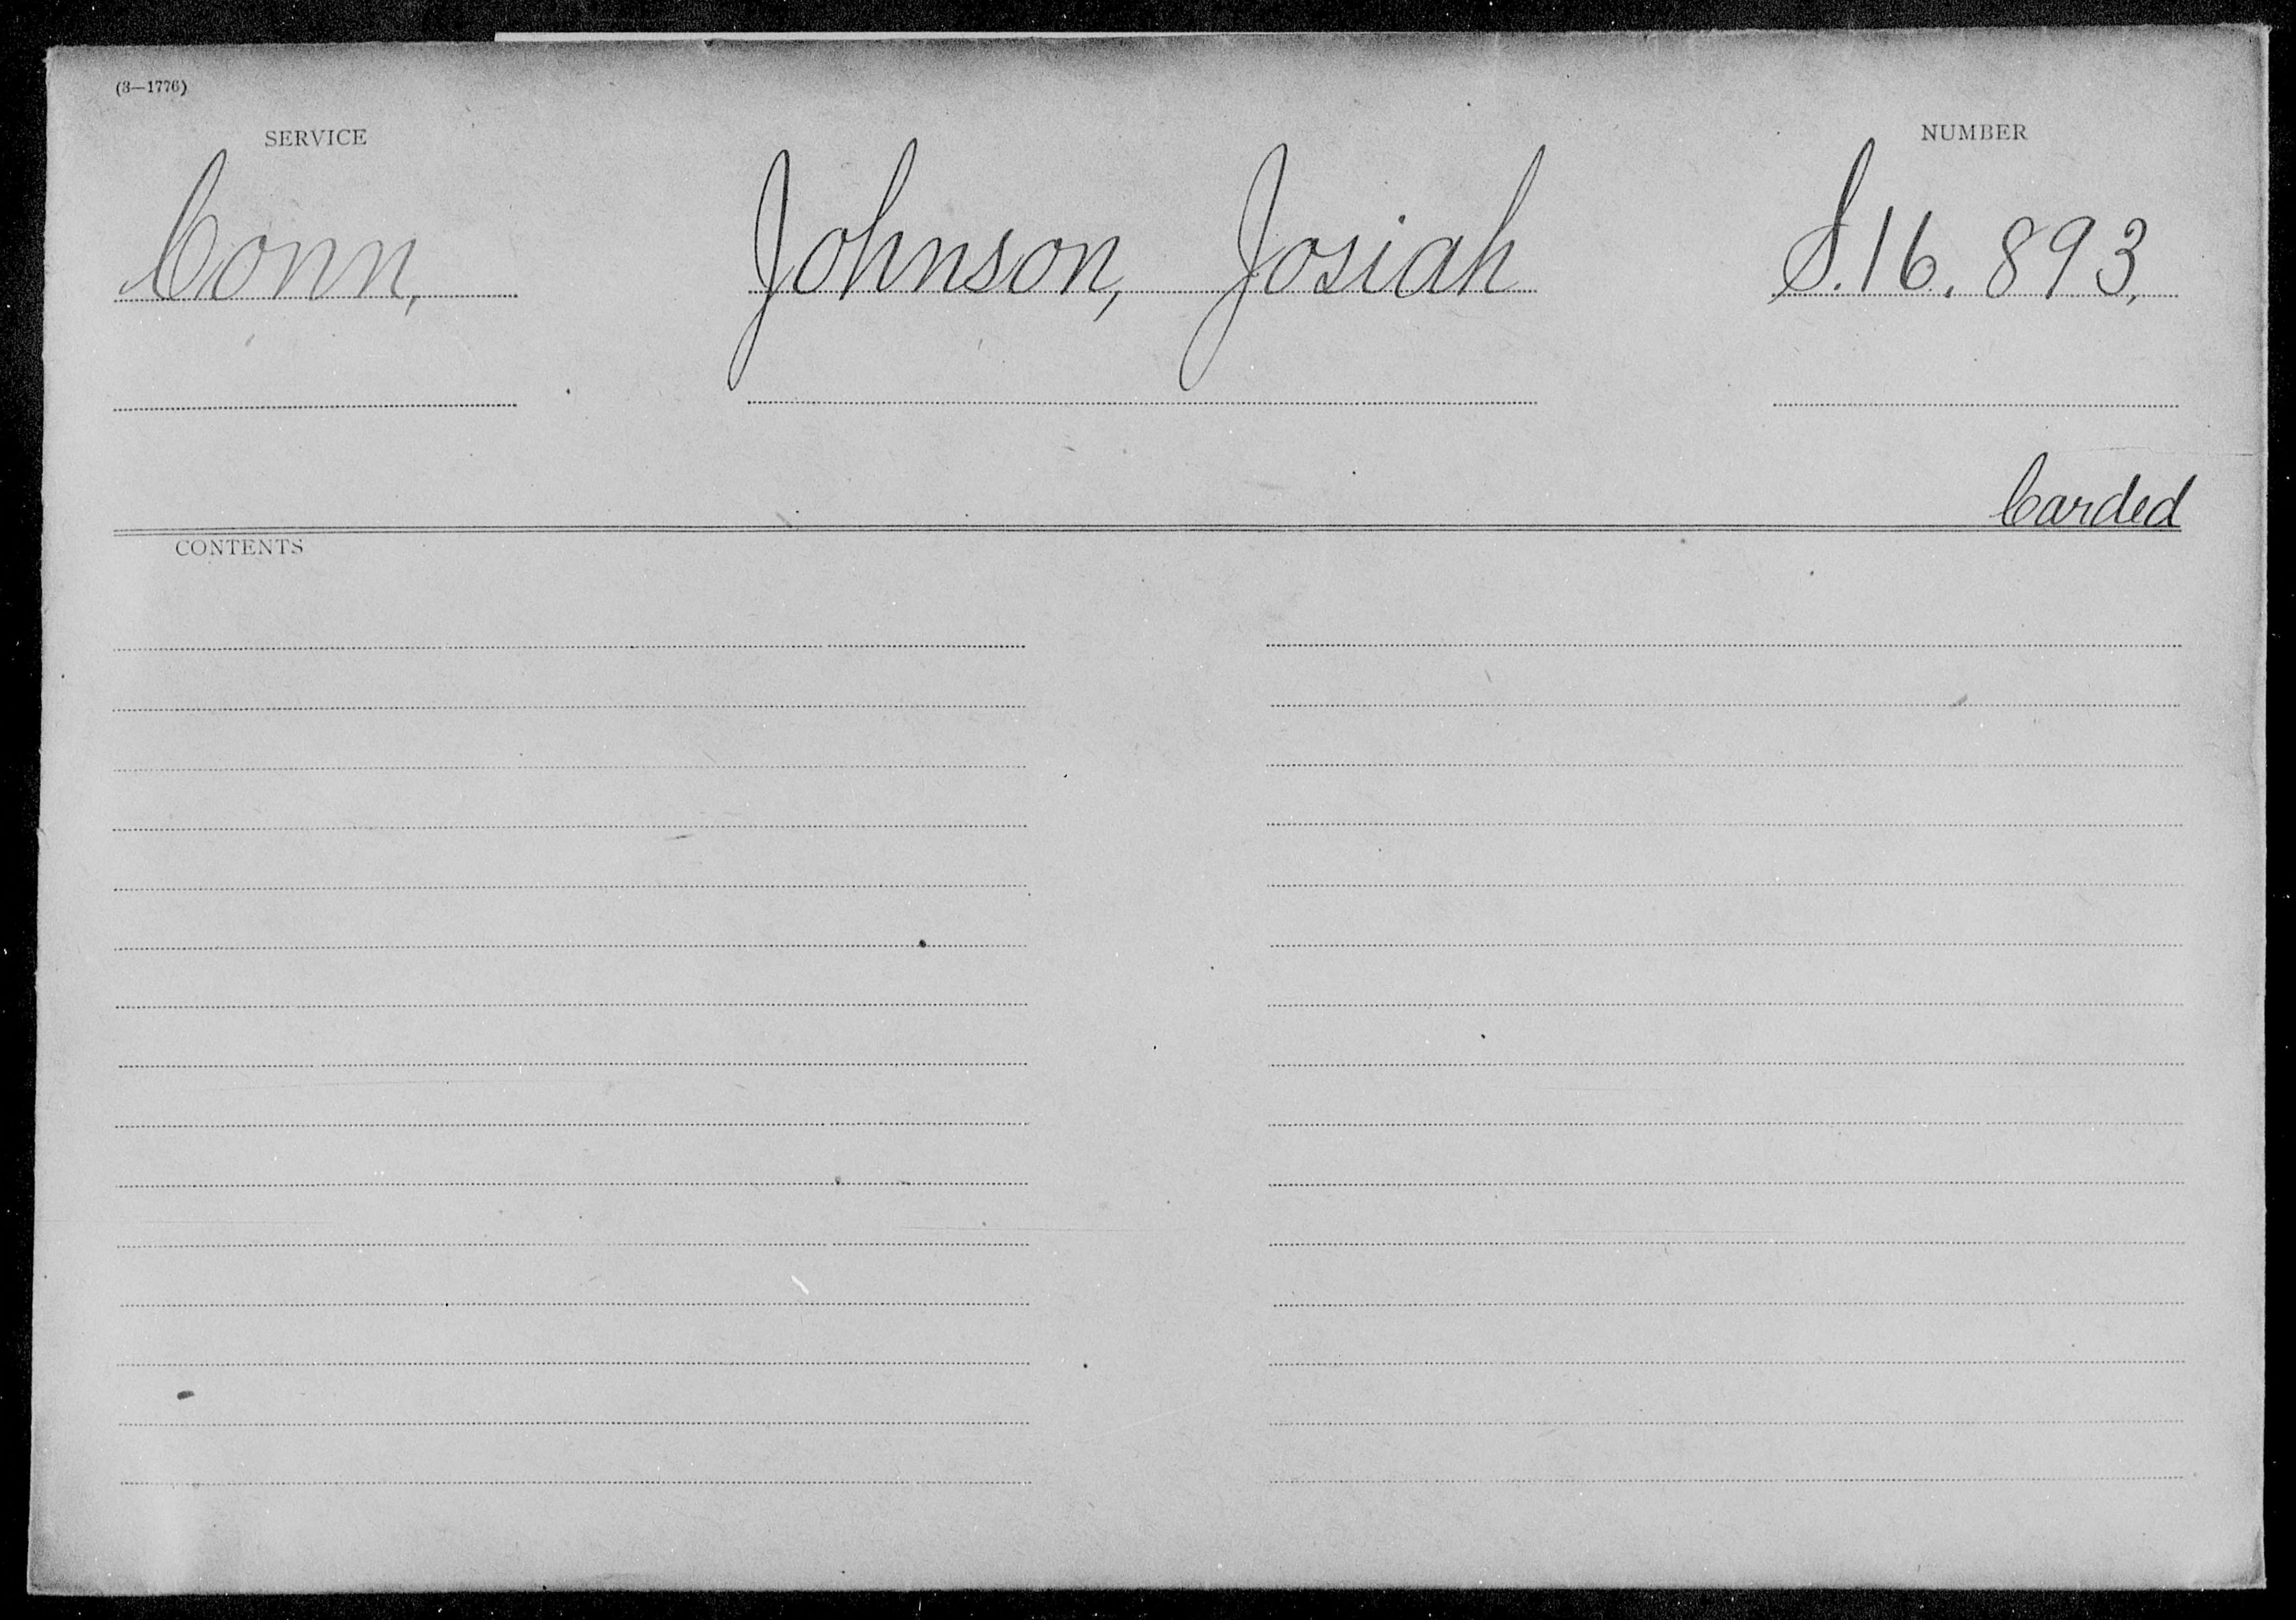(3--1776)

SERVICE
Conn.

Johnson, Josiah

NUMBER
S. 16.893

Carded
--------------------------------------------------
CONTENTS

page: 1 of 34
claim: survivor's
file: S. 16,893, for Josiah Johnson, Connecticut